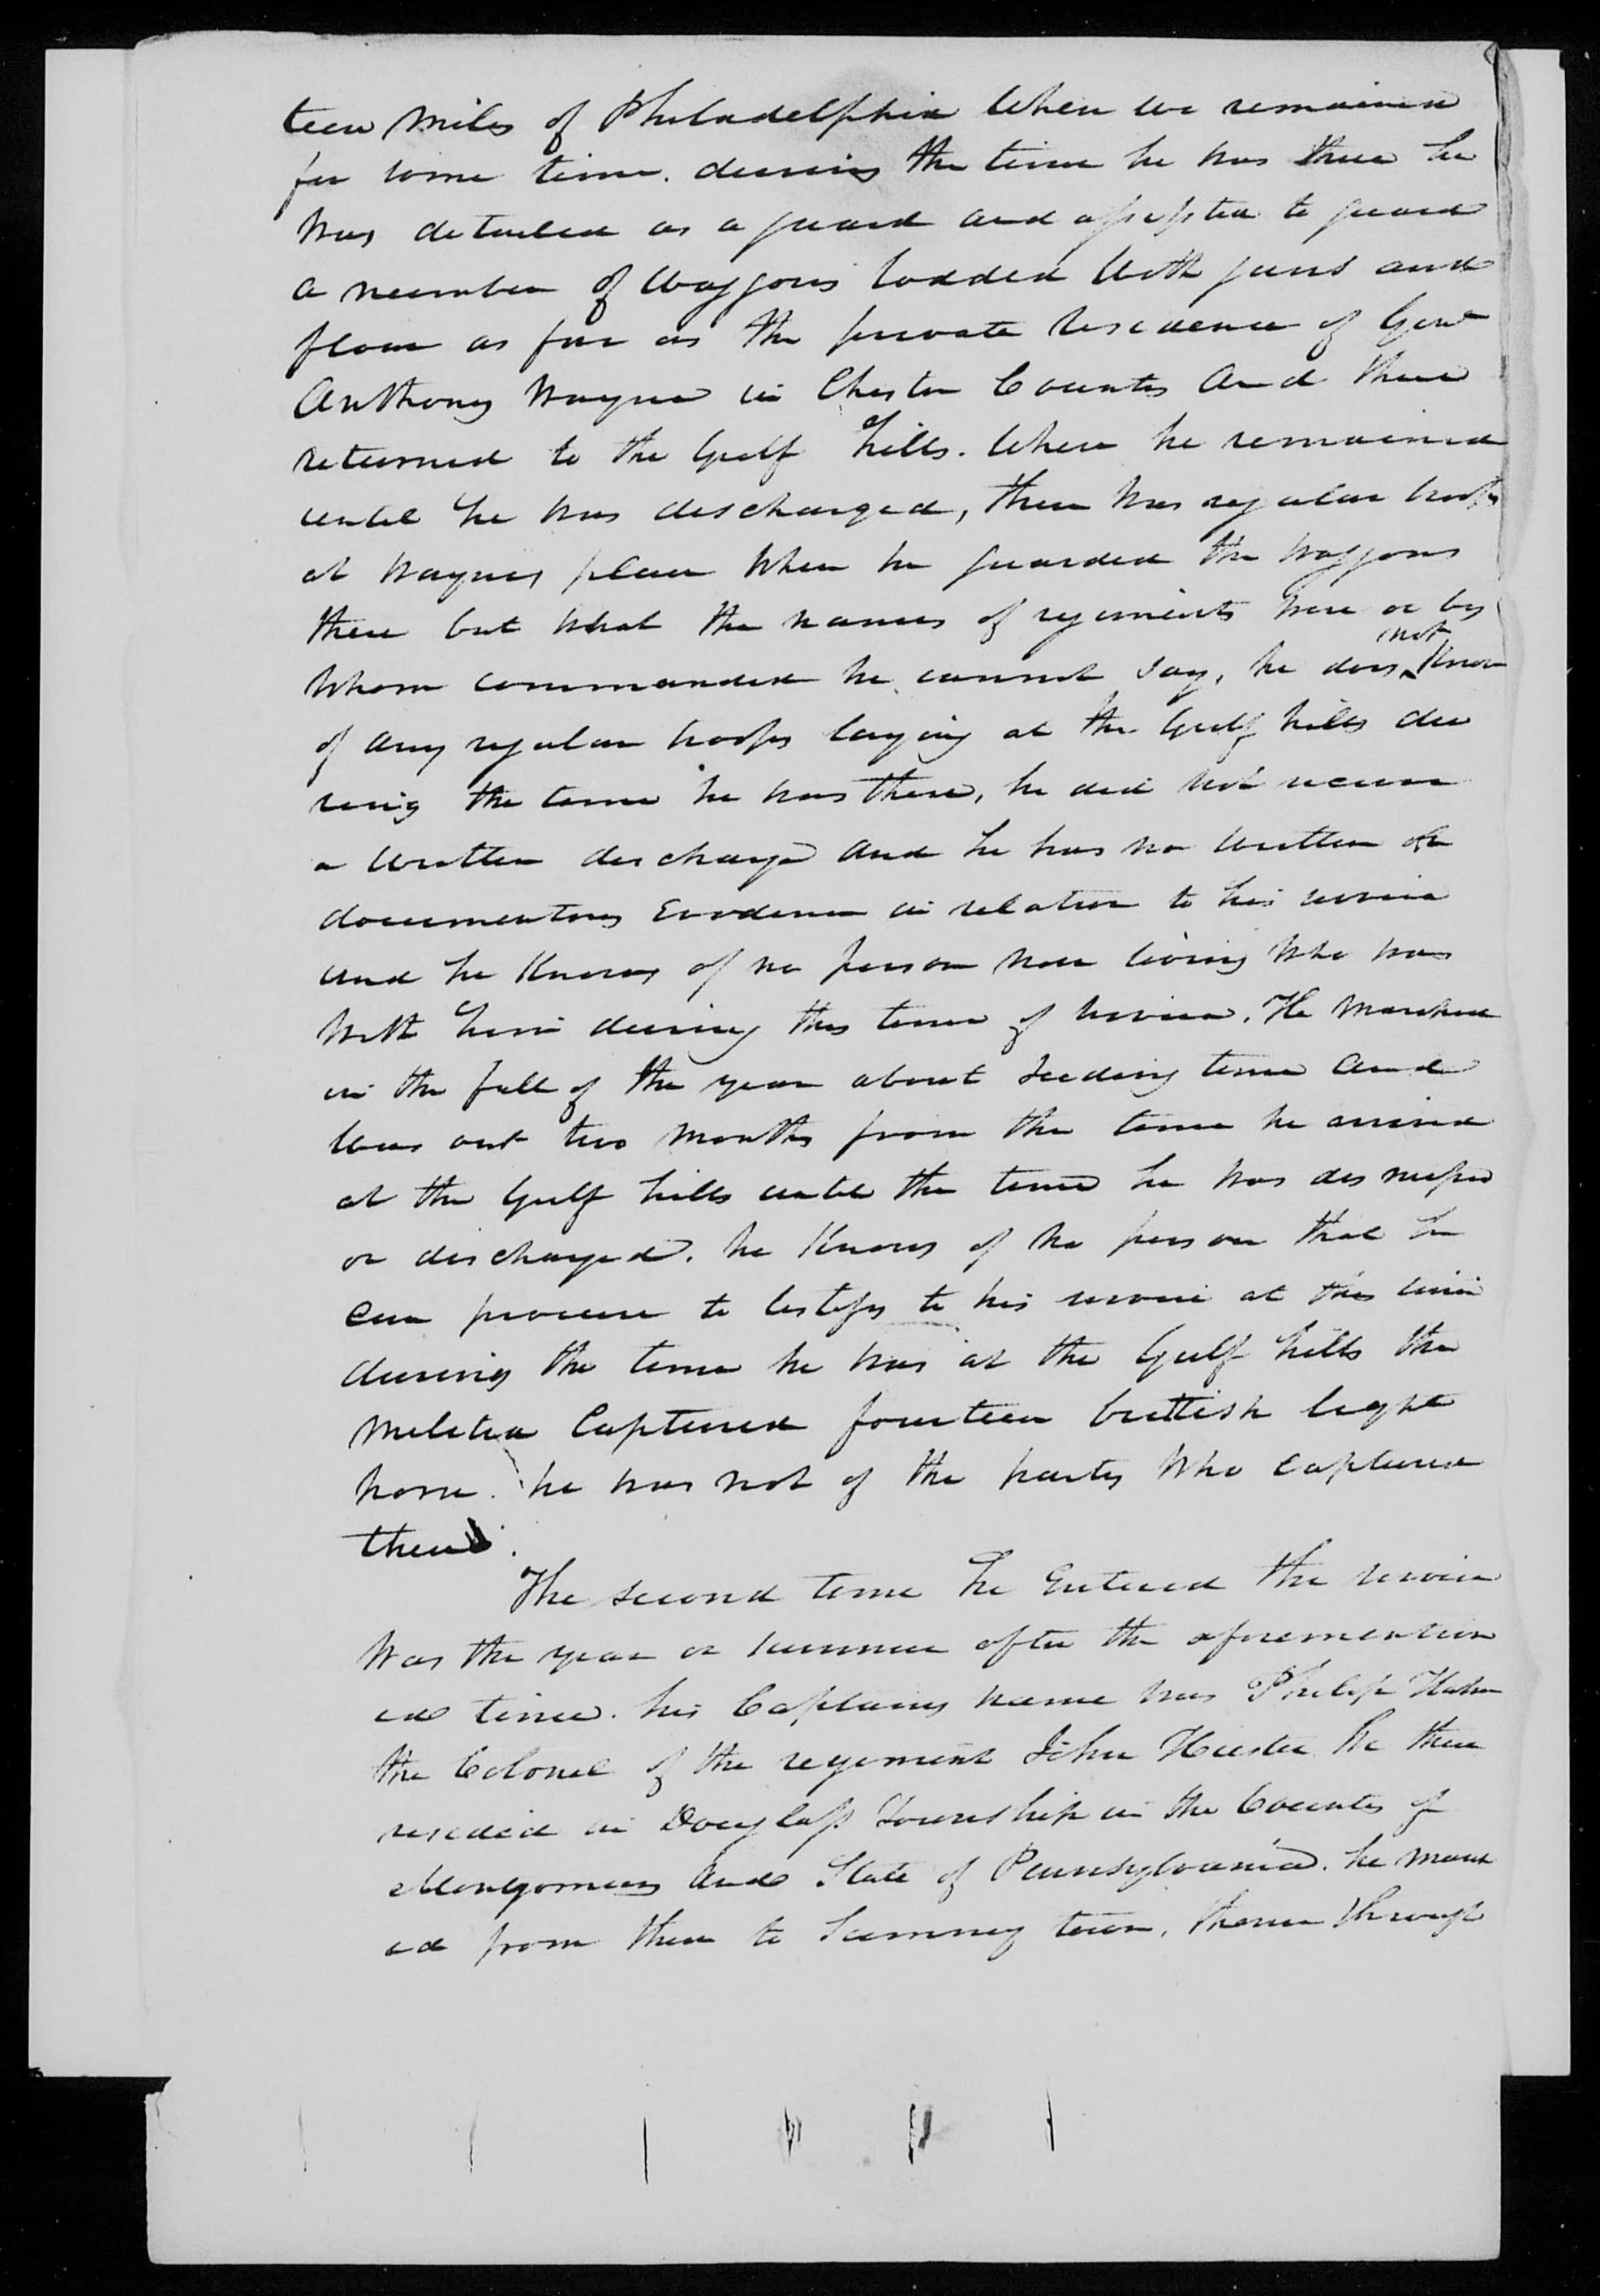teen miles of Philadelphia when we remained
for some time during the time he has there he
was detailed as a guard and assisted to guard
a number of Waggons[sic] loaded with guns and flour as far as the private residence of Genl
Anthony Wayne in Chester County and there
returned to the Gulf hills. Where he remained
until he was discharged, then his regular troops
at Waynes place where he guarded the Waggons[sic] there but what the names of regiments were or by whom commanded he cannot say, he does ^(not) know 
of any regular troops [illegible] at the Gulf hills
during the time he was there, he did not
receive a written discharge and he has no written or documenting evidence in relation to his service and he knows of no person now living who was with him during this time of service. He marched in the fall of the year about [illegible]ing time and was out two months from the time he arrived at the Gulf hills until the time he was dismissed or discharged. he knows of no person that he can procure to testify to his service at the time during the time he was at the Gulf hills the militia Captured fourteen brittish[sic] light [illegible]. he was not of the party who captured them.
The second time he entered the service
was the year or summer after the aforementioned time. his Captains name was Philip Hahn the Colonel of the regiment John Hiester he then resided in Douglass Township in the County of Montgomery and State of Pennsylvania. he marched
from there to Sumney town [Sumneytown], thence through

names: Philip Haker, John Heester, Anthony Wayne, Thomas Throup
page: 5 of 29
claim: survivor's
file: S. 23618, Philip Emerick, Penn.